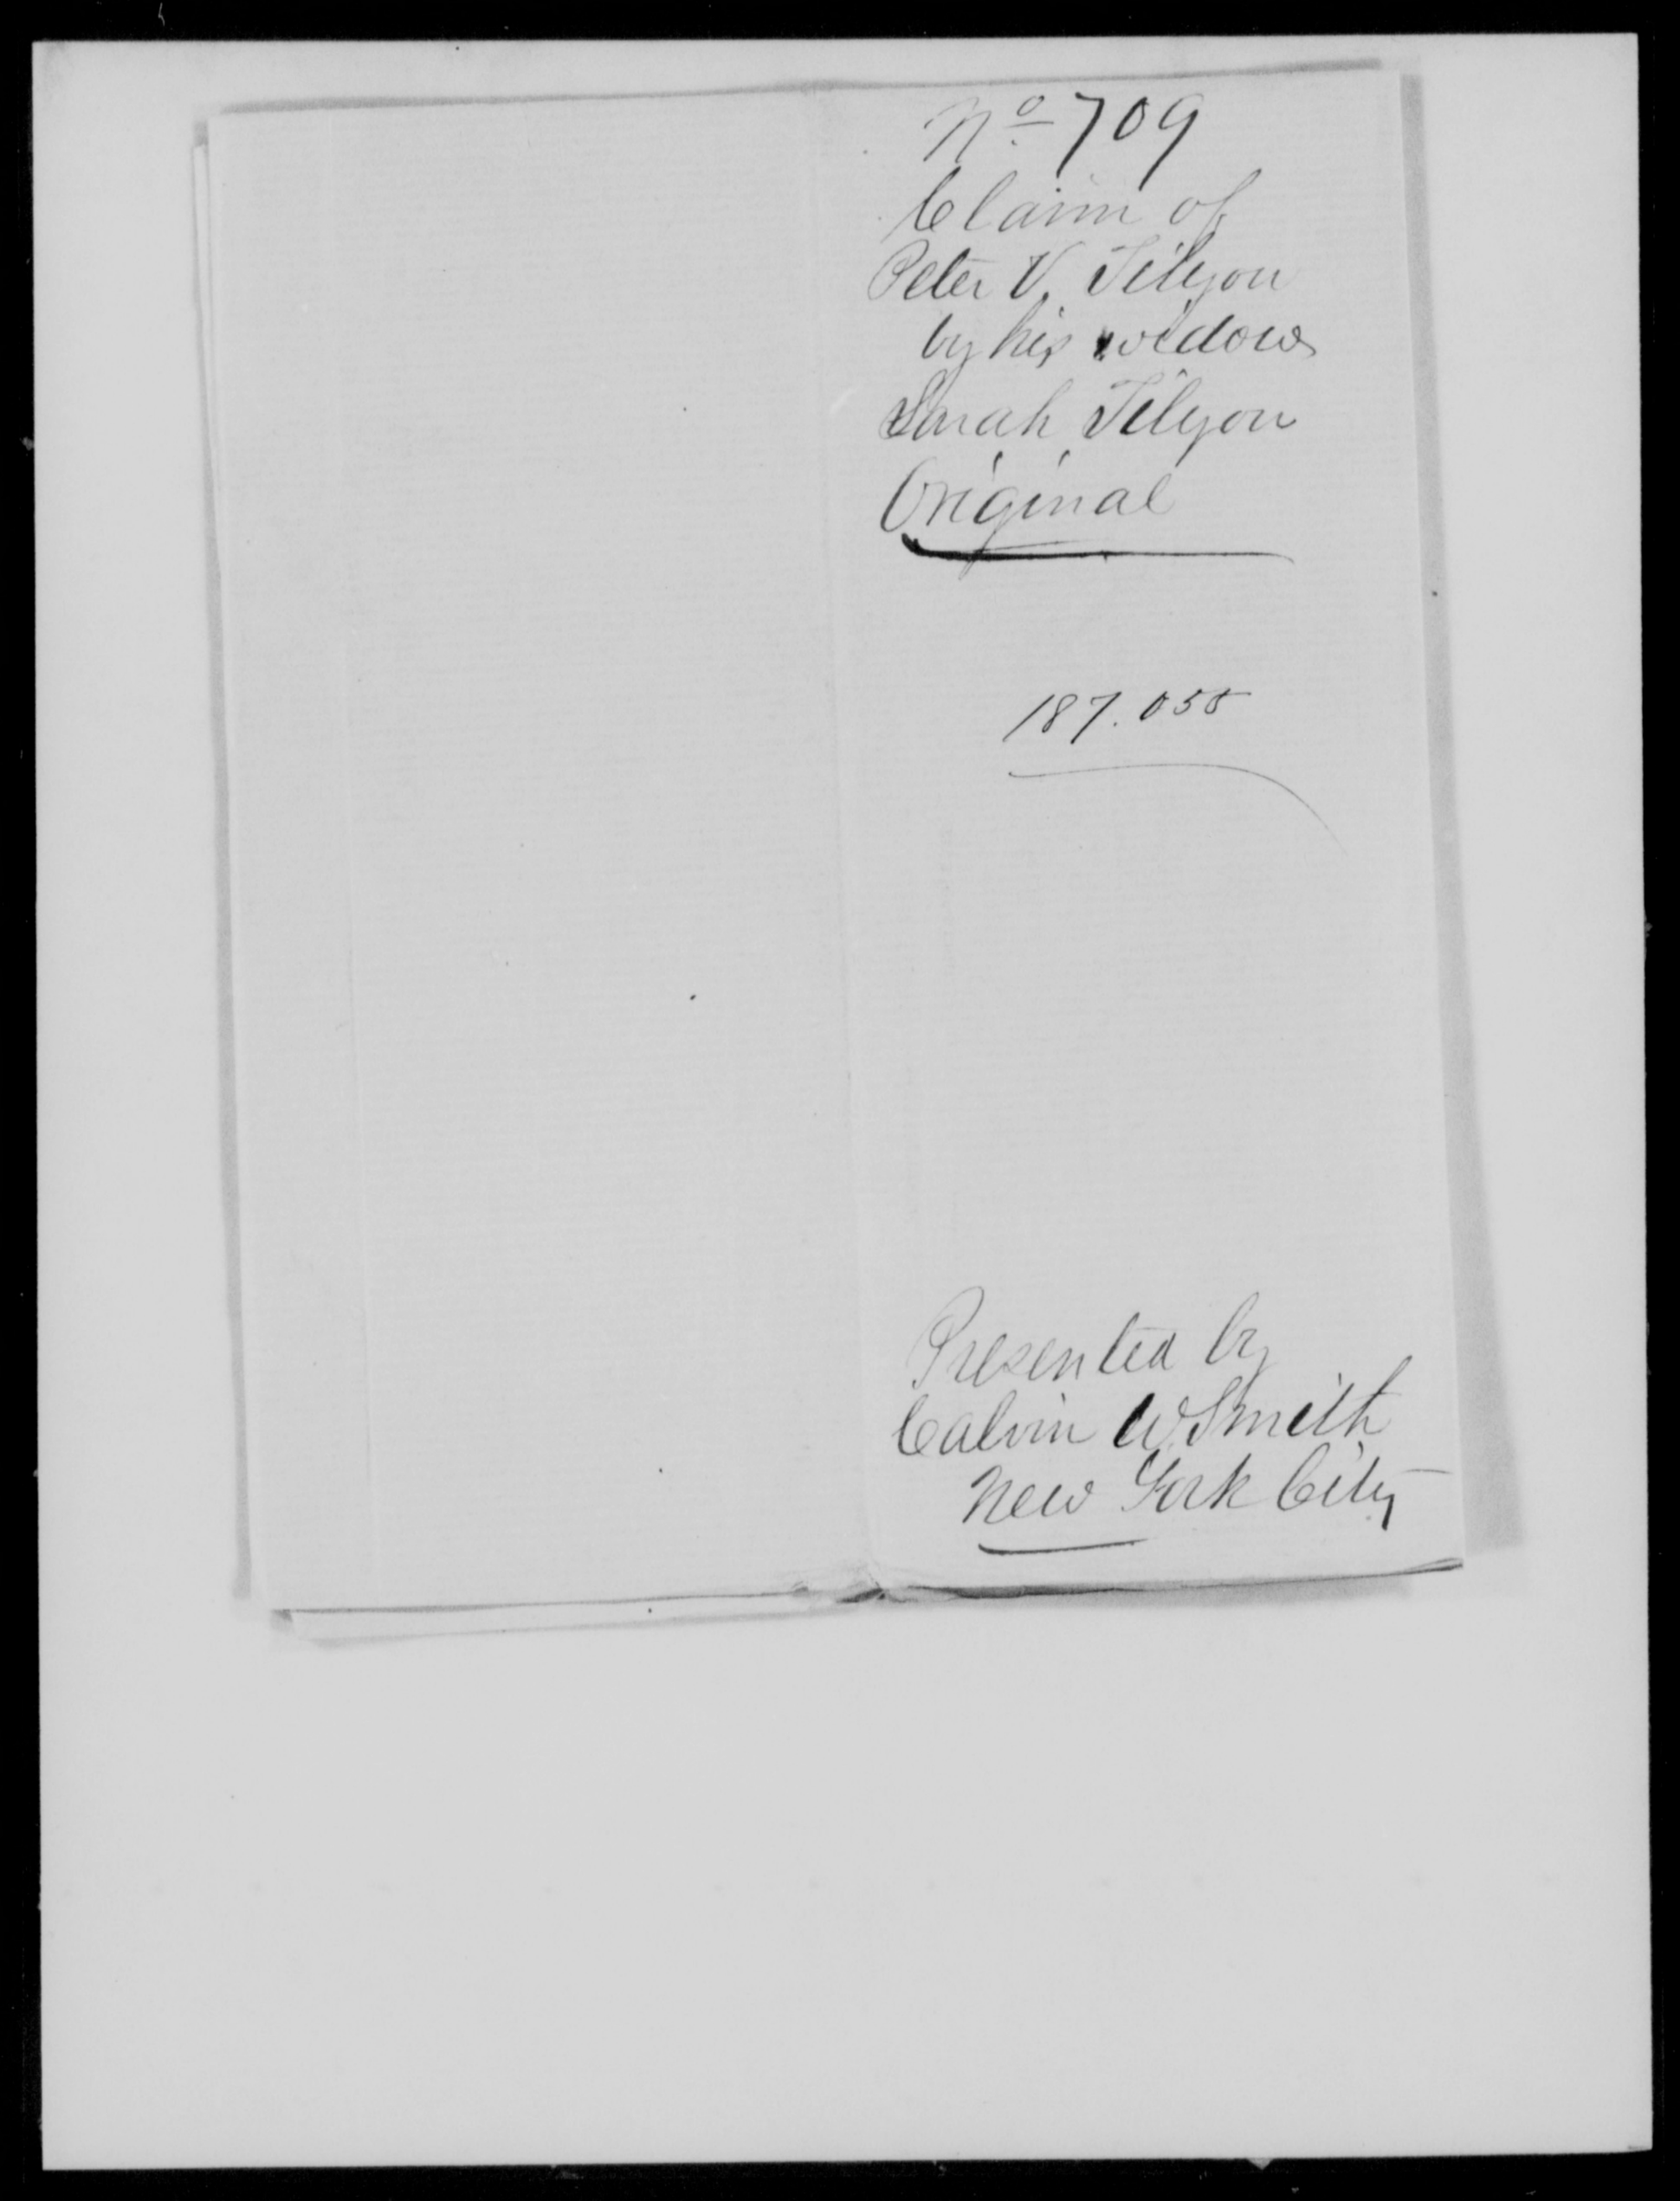NO. 709
Claim of Peter V. Tilyou
by his widow
Sarah Tilyou
Original
__________________

187.050

_______________

Presented by
Calvin W. Smith
New York City
_______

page: 9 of 101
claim: widow's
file: W. 25481, for Peter V Tilyou, New Jersey